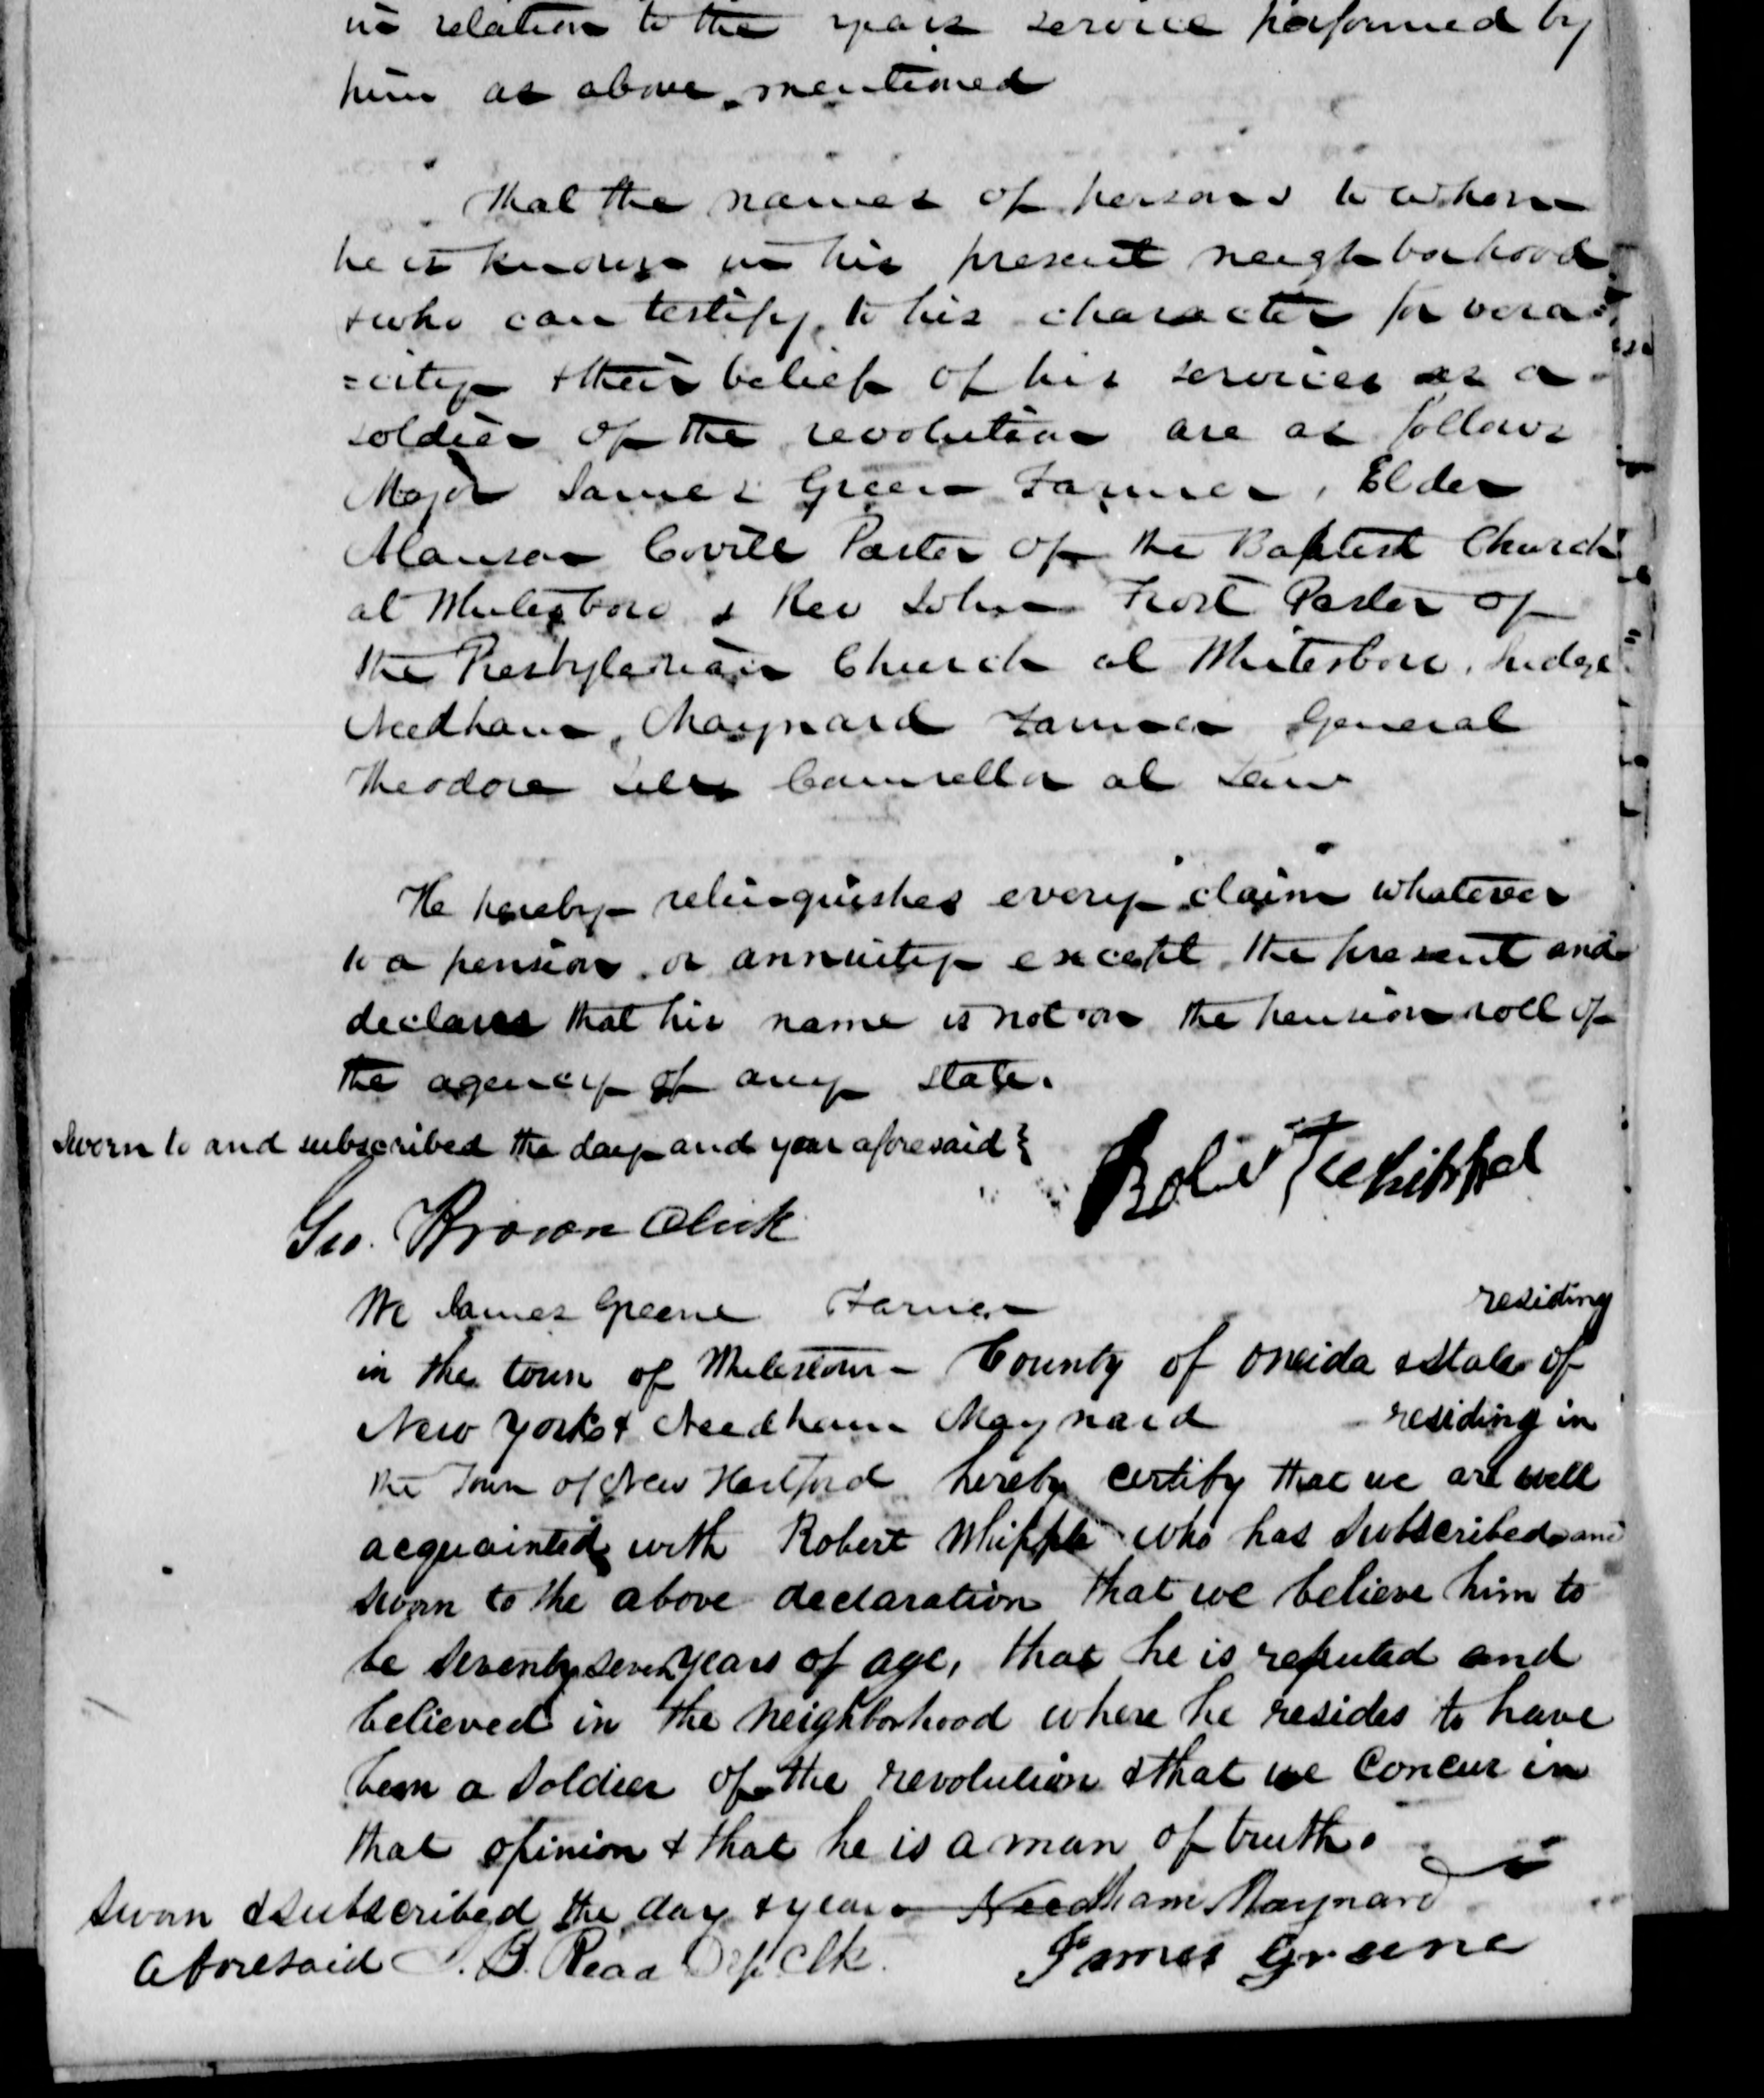in relation to the years service performed by him as above mentioned.

That the names of persons to whom he is known in his present neighborhood & who can testify to his character for veracity & their belief of his services as a soldier of the revolution are as follows Major Samuel Green Farmer, Elder Alanson Covill Pastor of the Baptist Church at Misterboro & Rev John Frost Pastor of the Presbyterian Church at Misterboro, Judge Needham Maynard Former General Theodore Lee Caswell, at [illegible]

He hereby relinquishes every claim whatever to a pension or annuity, except the present and declares that his name is not on the pension roll of the agency of any state.

Sworn to and subscribed the day and year aforesaid } Boles + Whippel
Geo. Brown Clerk
Mr James Greene Farmer residing

in the town of Whitestown - County of Oneida & State of New York & Needham Maynard residing in the Town of New Hartford hereby certify that we are well acquainted with Robert Whipple who has Subscribed and sworn to the above declaration that we believe him to be Seventy seven years of age, that he is reputed to have been a Soldier of the revolution & that we concur in that opinion & that he is a man of truth.
Needham Maynard
James Green

Sworn & Subscribed the day & year aforesaid.
J. B. Read Dep. Clk.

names: Boles Whippel, James Green, J B Read, Needham Maynard, James Greene, Theodore Lee, Geo Brown, Robert Whipple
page: 11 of 18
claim: survivor's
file: S. 11731, Robert Whippel, Continental Mass R. I.